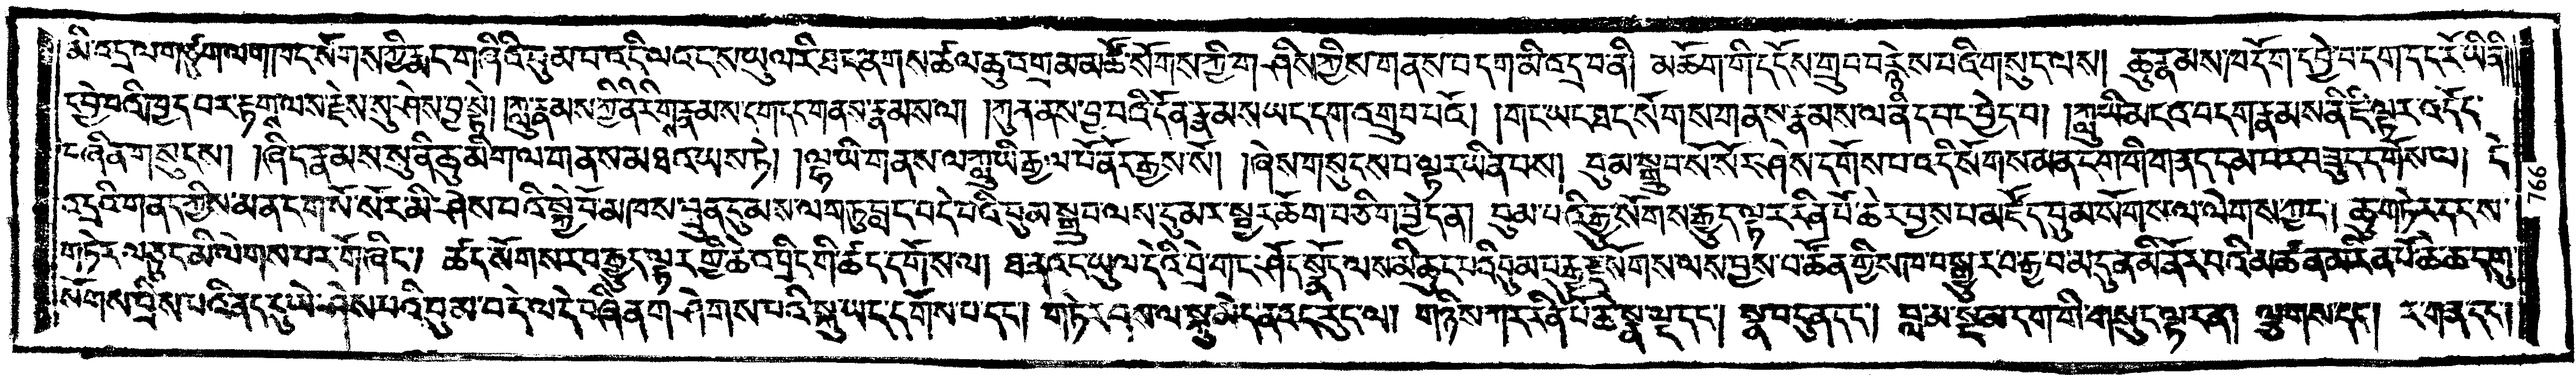མི་འདྲ་ལ་གཙུག་ལག་ཁང་སོགས་ཀྱི་རྨང་གཞིའི་བུམ་པ་འདི་ལའང་ས་ཡུལ་རི་ཐང་ནགས་ཚལ་ཆུ་འགྲམ་མཚོ་སོགས་ཀྱི་གཤིས་ཀྱིས་གནས་བདག་མི་འདྲ་བ་ནི། མཆོག་གི་དངོས་གྲུབ་བརྙེས་པའི་གསུང་ལས། ཆུ་རྣམས་ཁ་དོག་དབྱེ་བ་དག་དང་རོ་ཡི་ནི་
དབྱེ་བའི་ཁྱད་པར་རྟགས་ལས་རྗེས་སུ་ཤེས་བྱ་སྟེ། །ཀླུ་རྣམས་ཀྱི་ནི་རིགས་རྣམས་དག་དང་གནས་རྣམས་ལ། །ཀུན་ནས་བྱ་བའི་དོན་རྣམས་ཡང་དག་འགྲུབ་པའོ། །གང་ཡང་ཐང་སོགས་གནས་རྣམས་ལ་ནི་དབང་བྱེད་པ། །ཀླུ་ཡེ་མངའ་བདག་རྣམས་ནི་ཇི་ལྟར་འདོད་
བཞིན་གསུངས། །ཞིང་རྣམས་སུ་ནི་ཆུ་མིག་ལ་གནས་མཐའ་ཡས་ཏེ། །ལྷ་ཡི་གནས་ལ་ཀླུ་ཡི་རྒྱལ་པོ་ནོར་རྒྱས་སོ། །ཞེས་གསུངས་པ་ལྟར་ཡིན་པས། བུམ་སྒྲུབ་སོ་སོར་ཤེས་དགོས་པ་འདི་སོགས་མན་ངག་གི་གནད་དམ་པར་བཟུང་དགོས་ལ། དེ་
འདྲའི་གནད་ཀྱིས་མན་དག་སོ་སོར་མི་?་བའི་སྐྱེ་པོ་མཁས་བྲུན་དུ་མས་ལག་ཏུ་བླང་བདེན་བའི་བུམ་སྒྲུབ་ལས་དུ་མར་སྦྱར་ཆོག་བ་ཅིག་བྱེད་ན། བུམ་པའི་རྒྱུ་སོགས་རྒྱུད་ལྟར་རིན་པོ་ཆེར་བྱས་པ་མཛོད་བུམ་སོགས་ལ་ལེགས་ཀྱང་། ཆུ་གཏེར་དང་ས་
གཏེར་ལ་ཅུང་མི་ལེགས་པར་གོ་ཞིང་། ཚང་སོགས་རབ་རྒྱུད་ལྟར་གྱི་ཆེ་འབྲིང་གི་ཚད་དགོས་ལ། ཐ་ནའང་ཡུལ་དེའི་བྲེ་གང་ཤོད་སྣོད་ལས་མི་ཆུང་པའི་བུམ་བརྒྱུ་རྫ་སོགས་ལས་བྱས་པ་ཚོན་གྱིས་ཁ་བསྒྲུར་བ་རྒྱ་པ་མདུན་མི་ནོར་བའི་མཚན་མི་ནོར་བའི་མཚན་མ་རིན་པོ་ཆེ་ཆ་དགུ་
སོགས་བྲིས་པའི་ནད་དུ་ཡེ་ཤེས་པའི་བུམ་བ་དེ་ལ་དེ་བཞིན་གཤེགས་པའི་སྐུ་ཡང་དགོས་པ་དང་། གཏེང་དབུས་ལ་སྐུ་མེད་ནའང་རུང་ལ། གཉིས་ཀར་རིན་པོ་ཆེ་སྣ་ལྔ་དང་། སྣ་བདུན་དང་། བླ་མ་སྔམ་དག་གི་གསུང་ལྟར་ན། ལྕགས་དང་། ར་གན་དང་